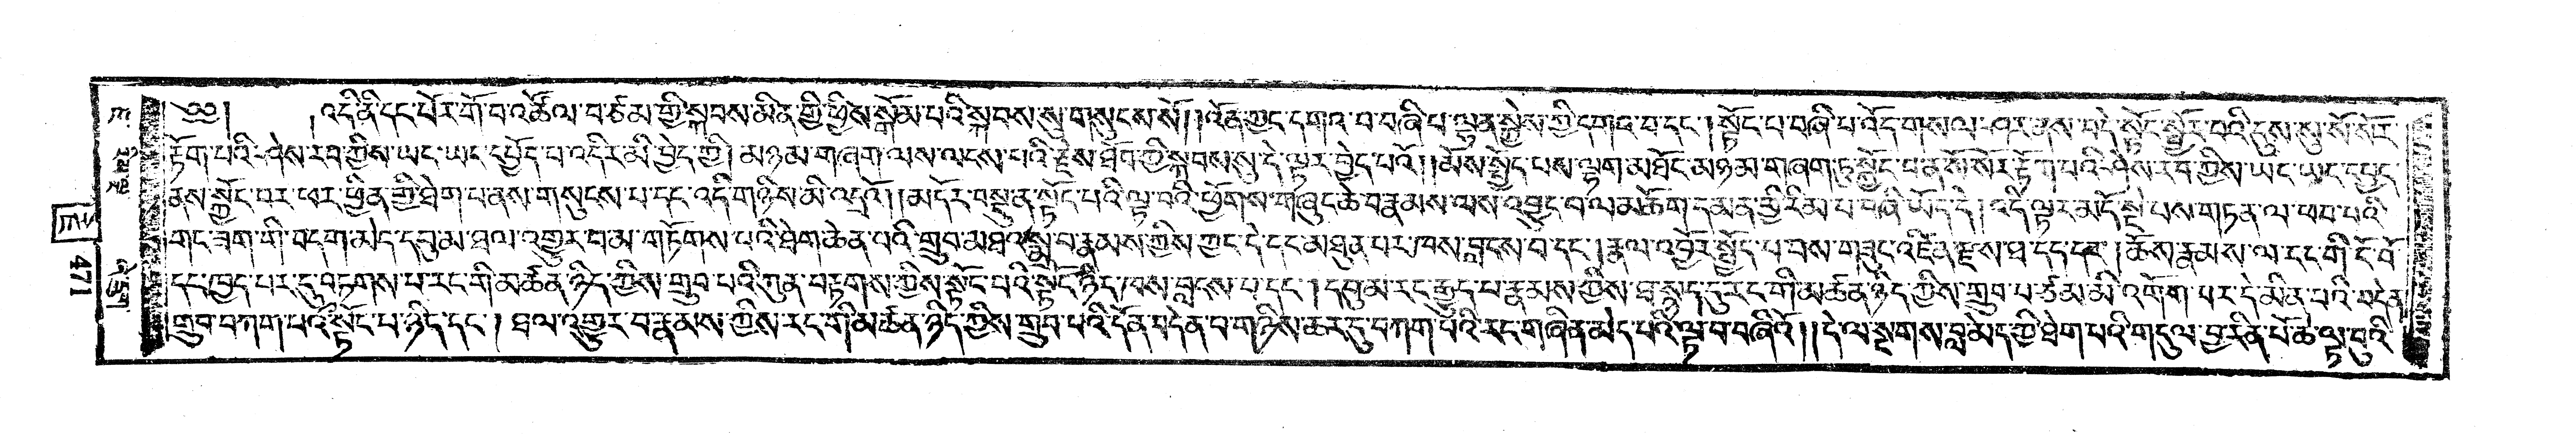༄༅། །འདི་ནི་དང་པོར་གོ་བ་འཚོལ་བ་ཙམ་གྱི་སྐབས་མིན་གྱི་ཕྱིས་སྒོམ་པའི་སྐབས་སུ་གསུངས་སོ། །འོན་ཀྱང་དགའ་བ་བཞི་པ་ལྷན་སྐྱེས་ཀྱི་དགའ་བ་དང་། སྟོང་པ་བཞི་པ་འོད་གསལ་ཤར་ནས་བདེ་སྟོང་སྦྱོར་བའི་དུས་སུ་སོ་སོར་
རྟོག་པའི་ཤེས་རབ་ཀྱིས་ཡང་ཡང་དཔྱོད་པ་འདིར་མི་བྱེད་ཀྱི། མཉམ་གཞག་ལས་ལངས་པའི་རྗེས་ཐོབ་ཀྱི་སྐབས་སུ་དེ་ལྟར་བྱེད་པའོ། །མོས་སྤྱོད་པས་ལྷག་མཐོང་མཉམ་གཞག་ཏུ་སྐྱོང་བ་ན་སོ་སོར་རྟོག་པའི་ཤེས་རབ་ཀྱིས་ཡང་ཡང་དཔྱད་
ནས་སྐྱོང་བར་ཕར་ཕྱིན་གྱི་ཐེག་པ་ནས་གསུངས་པ་དང་འདི་གཉིས་མི་འདྲའོ། །མདོར་བསྡུ་ན་སྟོང་པའི་ལྟ་བའི་ཕྱོགས་གཞུང་ཆེ་བ་རྣམས་ལས་འབྱུང་བ་ལ་མཆོག་དམན་གྱི་རིམ་པ་བཞི་ཡོད་དེ། འདི་ལྟར་མདོ་སྡེ་པས་གཏན་ལ་ཕབ་པའི་
གང་ཟག་གི་བདག་མེད་དབུ་མ་ཐལ་འགྱུར་བ་མ་གཏོགས་པའི་ཐེག་ཆེན་པའི་གྲུབ་མཐའ་སྨྲ་བ་རྣམས་ཀྱིས་ཀྱང་དེ་དང་མཐུན་པར་ཁས་བླངས་པ་དང་། རྣལ་འབྱོར་སྤྱོད་པ་པས་གཟུང་འཛིན་རྫས་ཐ་དད་དང་། ཆོས་རྣམས་ལ་རང་གི་ངོ་བོ་
དང་ཁྱད་པར་དུ་བཏགས་པ་རང་གི་མཚན་ཉིད་ཀྱིས་གྲུབ་པའི་ཀུན་བརྟགས་ཀྱིས་སྟོང་པའི་སྟོང་ཉིད་ཁས་བླངས་པ་དང་། དབུ་མ་རང་རྒྱུད་པ་རྣམས་ཀྱིས་ཐ་སྙད་དུ་རང་གི་མཚན་ཉིད་ཀྱིས་གྲུབ་པ་ཙམ་མི་འགོག་པར་དེ་མིན་པའི་བདེན་
གྲུབ་བཀག་པའི་སྟོང་པ་ཉིད་དང་། ཐལ་འགྱུར་བ་རྣམས་ཀྱིས་རང་གི་མཚན་ཉིད་ཀྱིས་གྲུབ་པའི་དོན་བདེན་པ་གཉིས་ཆར་དུ་བཀག་པའི་རང་བཞིན་མེད་པའི་ལྟ་བ་བཞིའོ། །དེ་ལ་སྔགས་བླ་མེད་ཀྱི་ཐེག་པའི་གདུལ་བྱ་རིན་པོ་ཆེ་ལྟ་བུའི་